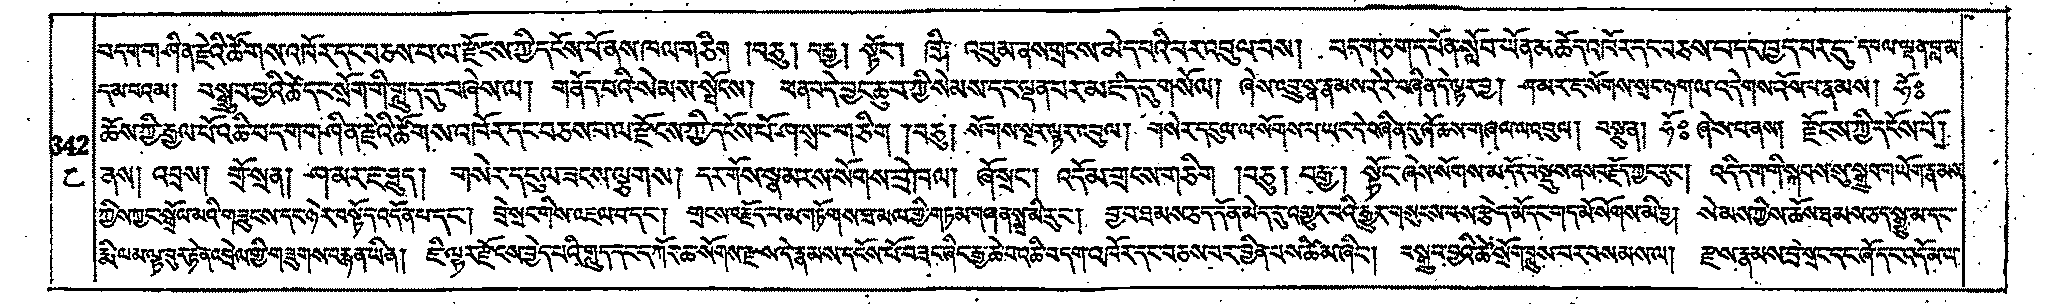བདག་ཤིན་རྗེའི་ཚོགས་འཁོར་དང་བཅས་པ་ལ་རྫོངས་ཀྱི་དངོས་པོ་ནས་ཁལ་གཅིག །བཅུ། བརྒྱ། སྟོང་། ཁྲི༑ འབུམ་ནས་གྲངས་མེད་པའི་བར་འབུལ་བས། བདག་ཅག་དཔོན་སློབ་ཡོན་མཆོད་འཁོར་དང་བཅས་པ་དང་ཁྱད་པར་དུ་དཔལ་ལྡན་བླ་མ་
དམ་པའམ། བསྒྲུབ་བྱའི་ཚེ་དང་སྲོག་གི་གླུད་དུ་བཞེས་ལ། གནོད་པའི་སེམས་སྦོངས། ཕན་བདེ་བྱང་ཆུབ་ཀྱི་སེམས་དང་ལྡན་པར་མཛད་དུ་གསོལ། ཞེས་འབྲུ་རྣ་རྣམས་རེ་རེ་བཞིན་དེ་ལྟར་བྱ། ཤ་མར་ཇ་སོགས་སྲང་ཉག་ལ་འདེགས་འོས་པ་རྣམས།  ཧོཿ
ཆོས་ཀྱི་རྒྱལ་པོ་འཆི་བདག་གཤིན་རྗེའི་ཚོགས་འཁོར་དང་བཅས་པ་ལ་རྫོངས་ཀྱི་དངོས་པོ་ཤ་སྲང་གཅིག །བཅུ། སོགས་སྔར་ལྟར་འབུལ། གསེར་དངུལ་ལ་སོགས་པ་ཡང་དེ་བཞིན་དུ་ཞོ་ཆས་གཞལ་ལ་འབུལ། བསྡུ་ན། ཧོཿ ཞེས་པ་ནས། རྫོངས་ཀྱི་དངོས་པོ།
ནས། འབྲས། གྲོ་སྲན། ཤ་མར་ཇ་ཐུད། གསེར་དངུལ་ཟངས་ལྕགས། དར་གོས་སྣམ་རས་སོགས་བྲེ་ཁལ། ཞོ་སྲང་། འདོམ་གྲངས་གཅིག །བཅུ། བརྒྱ། སྟོང་ཞེས་སོགས་མདོར་བསྡུས་ནས་བརྗོད་ཀྱང་རུང་། འདི་དག་གི་སྐབས་སུ་སྒྲུབ་གཡོག་རྣམས་
ཀྱིས་ཀྱང་སྒྲོལ་མའི་གཟུངས་དང་ཉེར་བསྟོད་འདོན་པ་དང་། བྲེ་སྲང་གིས་འཇལ་བ་དང་། གྲངས་བརྗོད་པ་མ་གཏོགས་ཐ་མལ་གྱི་གཏམ་གཞན་སྨྲ་མི་རུང་། བྱ་བ་ཐམས་ཅད་དོན་མེད་དུ་འགྱུར་བའི་རྒྱུར་གསུངས་པས་རྩེད་མོ་དང་གད་མོ་སོགས་མི་བྱ། སེམས་ཀྱིས་ཆོས་ཐམས་ཅད་སྒྱུ་མ་དང་་་
རྨི་ལམ་ལྟ་བུར་རྟེན་འབྲེལ་གྱི་གཟུགས་བརྙན་ཡིན། ཇི་ལྟར་རྫོངས་བྱེད་པའི་གླུད་དང་དཀོར་ཆ་སོགས་རྫས་དེ་རྣམས་དངོས་པོ་བཟང་ཞིང་རྒྱ་ཆེ་བའི་འཆི་བདག་འཁོར་དང་བཅས་པར་བྱིན་པས་ཚིམ་ཞིང་། བསྒྲུབ་བྱའི་ཚེ་སྲོག་བླུས་པར་བསམས་ལ། རྫས་རྣམས་བྲེ་སྲང་དང་ཞོ་དང་འདོམ་ལ་